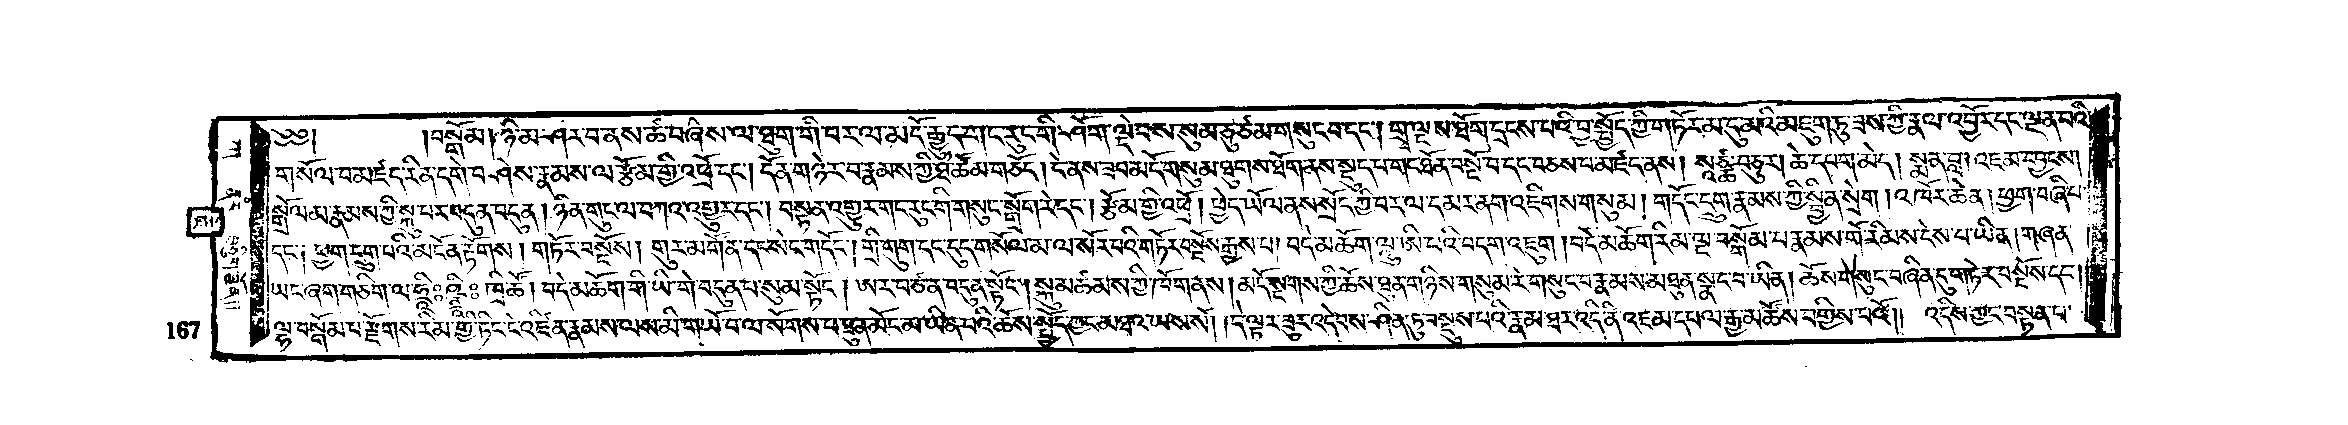༄༅། །བསྒོམ། ཉི་མ་ཤར་བ་ནས་ཚ་བཞིས་ལ་ཐུག་གི་བར་ལ་མདོ་རྒྱུད་གང་རུང་གི་ཤོག་ལྡེབས་སུམ་ཅུ་ཙམ་གསུང་བ་དང་། གྲྭ་ལྔས་ཐོག་དྲངས་པའི་བྱ་སྤྱོད་ཀྱི་གཏོར་མ་དུ་མའི་མཇུག་ཏུ་ཟས་ཀྱི་རྣལ་འབྱོར་དང་ལྡན་པའི་
གསོལ་བ་མཛད་རིན་དགེ་བཤེས་རྣམས་ལ་རྩོམ་གྱི་འཕྲོ་དང་། དོན་གཉེར་བ་རྣམས་ཀྱི་ཐེ་ཚོམ་གཅོད། དེ་ནས་ཟབ་མདོ་གསུམ་ཐུགས་ཐོག་ནས་སྡུད་པ་གང་ཐོན་བསྔོ་བ་དང་བཅས་པ་མཛད་ནས། སཱཙྪ་བཅུར། ཆེ་དཔག་མེད། སྨན་བླ། འཇམ་དབྱངས།
སྒྲོལ་མ་རྣམས་ཀྱི་སྐུ་པར་བདུན་བདུན། ཉིན་གུང་ལ་བཀའ་འགྱུར་དང་། བསྟན་འགྱུར་གང་རུང་གི་གསུང་སྒྲོག་རེ་དང་། རྩོམ་གྱི་འཕྲོ། ཕྱེད་ཡོལ་ནས་སྲོད་ཀྱི་བར་ལ་དམར་ནག་འཇིགས་གསུམ། གདོང་དྲུག་རྣམས་ཀྱི་སྦྱིན་སྲེག །འཁོར་ཆེན། ཕྱག་བཞི་པ་
དང༑ ཕྱག་དྲུག་པའི་མངོན་རྟོགས། གཏོར་བསྔོས། གུར་མགོན་དང་སེང་གདོང་། གྲི་གུག་དང་དུད་གསོལ་མ་ལ་སོར་བའི་གཏོར་བསྔོས་རྒྱས་པ། བདེ་མཆོག་ལཱུ་ཨི་པའི་བདག་འཇུག །བདེ་མཆོག་རིམ་ལྔ་བསྒོམ་པ་རྣམས་གོ་རིམས་ངེས་པ་ཡིན། གཞན་
ཡང་ཞག་གཅིག་ལ་ཧྲཱིཿ ཥྚྲཱིཿ ཁྲི་ཚོ། བདེ་མཆོག་གི་ཡི་གེ་བདུན་པ་སུམ་སྟོང་། ཨ་ར་པ་ཙ་ན་བདུན་སྟོང་། སྐུ་མཚམས་ཀྱི་ཁོག་ནས། མདོ་སྔགས་ཀྱི་ཆོས་ཐུན་གཉིས་གསུམ་རེ་གསུང་བ་རྣམས་མཐུན་སྣང་བ་ཡིན། ཆོས་གསུང་བཞིན་དུ་གཏེར་བསྔོས་དང་།
ལྷ་བསྒོམ་པ་རྫོགས་རིམ་གྱི་ཏིང་ངེ་འཛིན་རྣམས་ལས་མི་གཡོ་བ་ལ་སོགས་པ་ཐུན་མོང་མ་ཡིན་པའི་ཆོས་སྤྱོད་ཀྱང་མཐའ་ཡས་སོ། །དེ་ལྟར་ཟུར་འདེབས་ཤིན་ཏུ་བསྡུས་པའི་རྣམ་ཐར་འདི་ནི་འཇམ་དཔལ་རྒྱ་མཚོས་བགྱིས་པའོ།། འདིས་ཀྱང་བསྟན་པ་